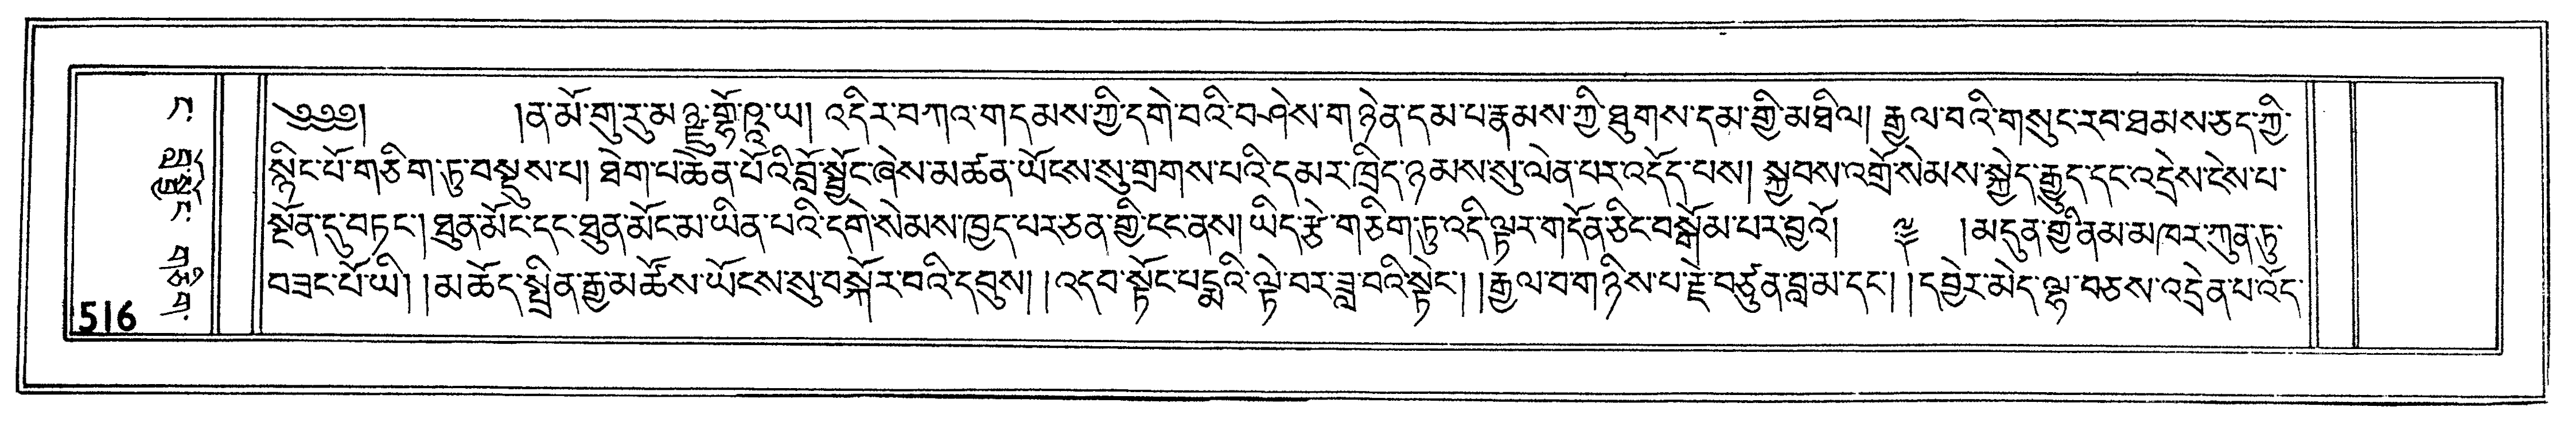༄༅༅། །ན་མོ་གུ་རུ་མཉྫུ་གྷོ་ཥཱ་ཡ། འདིར་བཀའ་གདམས་ཀྱི་དགེ་བའི་བཤེས་གཉེན་དམ་པ་རྣམས་ཀྱི་ཐུགས་དམ་གྱི་མཐིལ། རྒྱལ་བའི་གསུང་རབ་ཐམས་ཅད་ཀྱི་
སྙིང་པོ་གཅིག་ཏུ་བསྡུས་པ། ཐེག་པ་ཆེན་པོའི་བློ་སྦྱོང་ཞེས་མཚན་ཡོངས་སུ་གྲགས་པའི་དམར་ཁྲིད་ཉམས་སུ་ལེན་པར་འདོད་པས། སྐྱབས་འགྲོ་སེམས་སྐྱེད་རྒྱུད་དང་འདྲེས་ངེས་པ་
སྔོན་དུ་བཏང་། ཐུན་མོང་དང་ཐུན་མོང་མ་ཡིན་པའི་དགེ་སེམས་ཁྱད་པར་ཅན་གྱི་ངང་ནས། ཡིད་རྩེ་གཅིག་ཏུ་འདི་ལྟར་གདོན་ཅིང་བསྒོམ་པར་བྱའོ། ༈ །མདུན་གྱི་ནམ་མཁར་ཀུན་ཏུ་
བཟང་པོ་ཡི། །མཆོད་སྤྲིན་རྒྱ་མཚོས་ཡོངས་སུ་བསྐོར་བའི་དབུས། །འདབ་སྟོང་པདམའི་ལྟེ་བར་ཟླ་བའི་སྟེང་། །རྒྱལ་བ་གཉིས་པ་རྗེ་བཙུན་བླ་མ་དང་། །དབྱེར་མེད་ལྷ་བཅས་འདྲེན་པ་འོད་